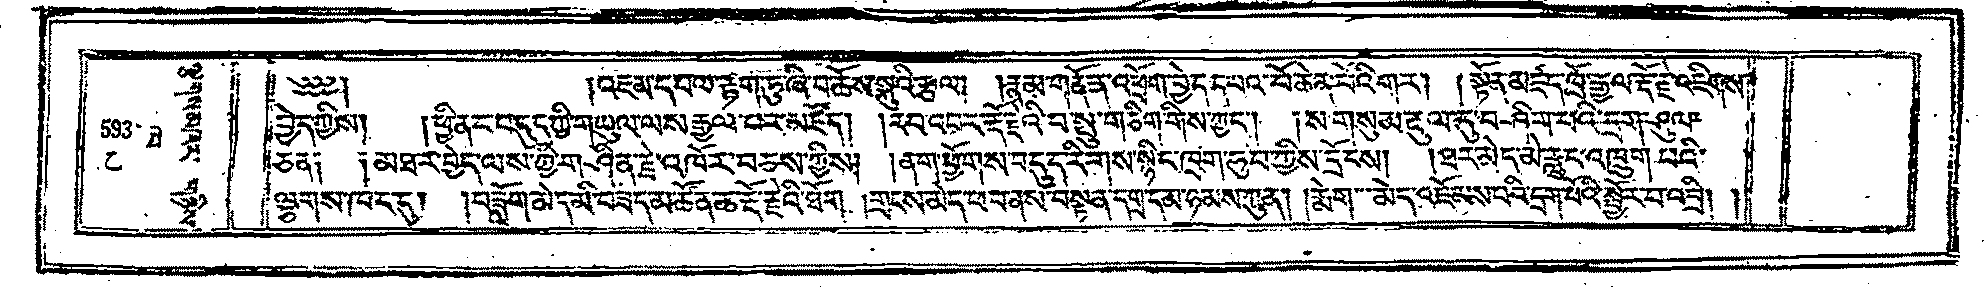༄༅༅། །འཇམ་དཔལ་རྟག་ཏུ་ཞི་བ་ཆོས་སྐུའི་རྩལ། །རྣམ་གནོན་འཕྲོག་བྱེད་དཔའ་བོ་ཆེན་པོའི་གར། །སྟོན་མཛད་ཁྲོ་རྒྱལ་རྡོ་རྗེ་འཇིགས་
བྱེད་ཀྱིས། །ཕྱི་ནང་བདུད་ཀྱི་གཡུལ་ལས་རྒྱལ་བར་མཛོད། །རབ་འབར་རྡོ་རྗེའི་བ་སྤུ་གཅིག་གིས་ཀྱང་། །ས་གསུམ་རྔུལ་དུ་བཤིག་པའི་དྲག་ཤུལ་
ཅན༑ ༑མཐར་བྱེད་ལས་ཀྱི་གཤིན་རྗེ་འཁོར་བཅས་ཀྱིས། །ནག་ཕྱོགས་བདུད་རིགས་སྙིང་ཁྲག་ཧུབ་ཀྱིས་དྲོངས། །ཐར་མེད་མེ་རླུང་འཁྲུག་པའི་
ལྕགས་ཁང་དུ། །བཟློག་མེད་མི་བཟད་མཚོན་ཆ་རྡོ་རྗེའི་ཐོག །གྲངས་མེད་ཕབ་ནས་བསྟན་དགྲ་དམ་ཉམས་ཀུན། །རྨེག་་་མེད་འཇོམས་པའི་དྲག་པོའི་སྦྱོར་བ་འབྲི། །